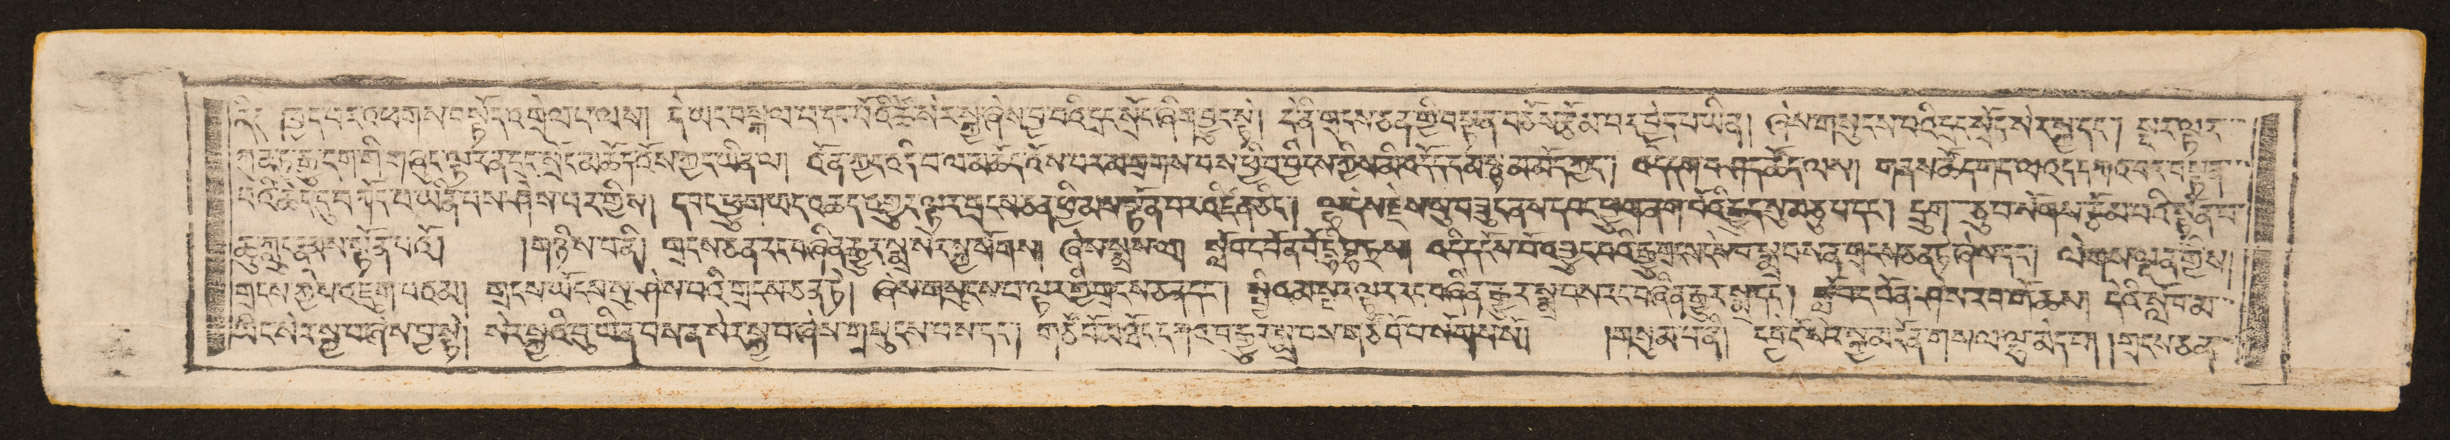ནི༑ ཁྱད་པར་འཕགས་བསྟོད་འགྲེལ་པ་ལས། དེ་ཡང་བསྐལ་པ་དང་པོའི་ཚེ་སེར་སྐྱ་ཞེས་བྱ་བའི་དྲང་སྲོང་ཞིག་བྱུང་སྟེ། དེ་ནི་གྲངས་ཅན་གྱི་བསྟན་བཅོས་རྩོམ་པར་བྱེད་པ་ཡིན། ཞེས་གསུངས་པའི་དྲང་སྲོང་སེར་སྐྱ་དང་། སྔར་ལྟར་
ཀུན་ཏུ་རྒྱུ་དག་གི་གཞུང་ལྟར་ན་དྲང་སྲོང་མཆོད་འོས་ཀྱང་ཡིན་ལ། འོན་ཀྱང་འདི་བ་ལ་མཆོད་འོས་པར་མ་གྲགས་པས་ཕྱི་བ་བྱིངས་ཀྱིས་མི་འདོད་དམ་སྙམ་མོད་ཀྱང་། འདི་དག་བཤད་ཚོད་ལས། གནས་ཚོད་གང་ལ་འོད་དཀའ་བར་བསྟན་
པའི་ཆེད་དུ་བཀོད་པ་ཡིན་པས་ཤེས་པར་གྱིས། དབང་ཕྱུག་ཡང་འཆད་འགྱུར་ལྟར་གྲངས་ཅན་ཕྱི་མས་སྟོན་པར་འཛིན་ཅིང་། ལྷ་དེས་རྗེས་སུ་བཟུང་ནས་དབང་ཕྱུག་ནག་པོའི་རྒྱུད་སུམ་ཅུ་པ་དང་། དྲུག་ཅུ་པ་སོགས་རྩོམ་པའི་སྟོན་པ་
ཆུ་ཀླུང་རྣམས་སྟོན་པའོ། །གཉིས་པ་ནི། གྲངས་ཅན་རང་བཞིན་རྒྱུར་སྨྲ་སེར་སྐྱ་སོགས། ཞེས་སྨྲས་ལ། སློབ་དཔོན་བོ་དྷི་བྷ་ཏྲས། འདི་དངོས་པོ་འབྱུང་བའི་རྒྱུ་གྲངས་ངེས་བ་སྨྲ་བས་ན་གྲངས་ཅན་ཏེ་ཞེས་དང་། ལེགས་ལྡན་གྱིས།
གྲངས་ཀྱིས་འཇུག་པའམ། གྲངས་ཡོངས་སུ་ཤེས་པའི་གྲངས་ཅན་ཏེ། ཞེས་གསུངས་བ་ལྟར་གྱི་གྲངས་ཅན་དང་། སྤྱིའམ་སྔར་ལྟར་རང་བཞིན་རྒྱུར་སྨྲ་བས་རང་བཞིན་རྒྱུར་སྨྲ་དང་། སློབ་དཔོན་ཤེས་རབ་གོ་ཆས། དེའི་སློབ་མ་
ཡིད་སེར་སྐྱ་བ་ཞེས་བྱ་སྟེ། སེར་སྐྱའི་བུ་ཡིན་པས་ན་སེར་སྐྱ་བ་ཞེས་གསུངས་པས་དང་། གཙོ་བོ་མཐོང་དཀའ་བ་རྒྱུར་སྨྲ་བས་གཙོ་བོ་བ་སོགས་སོ། །གསུམ་པ་ནི། དབྱེ་ངོ་སེར་སྐྱ་མངོན་གསལ་ལྷ་མེད་པ། །གྲངས་ཅན་